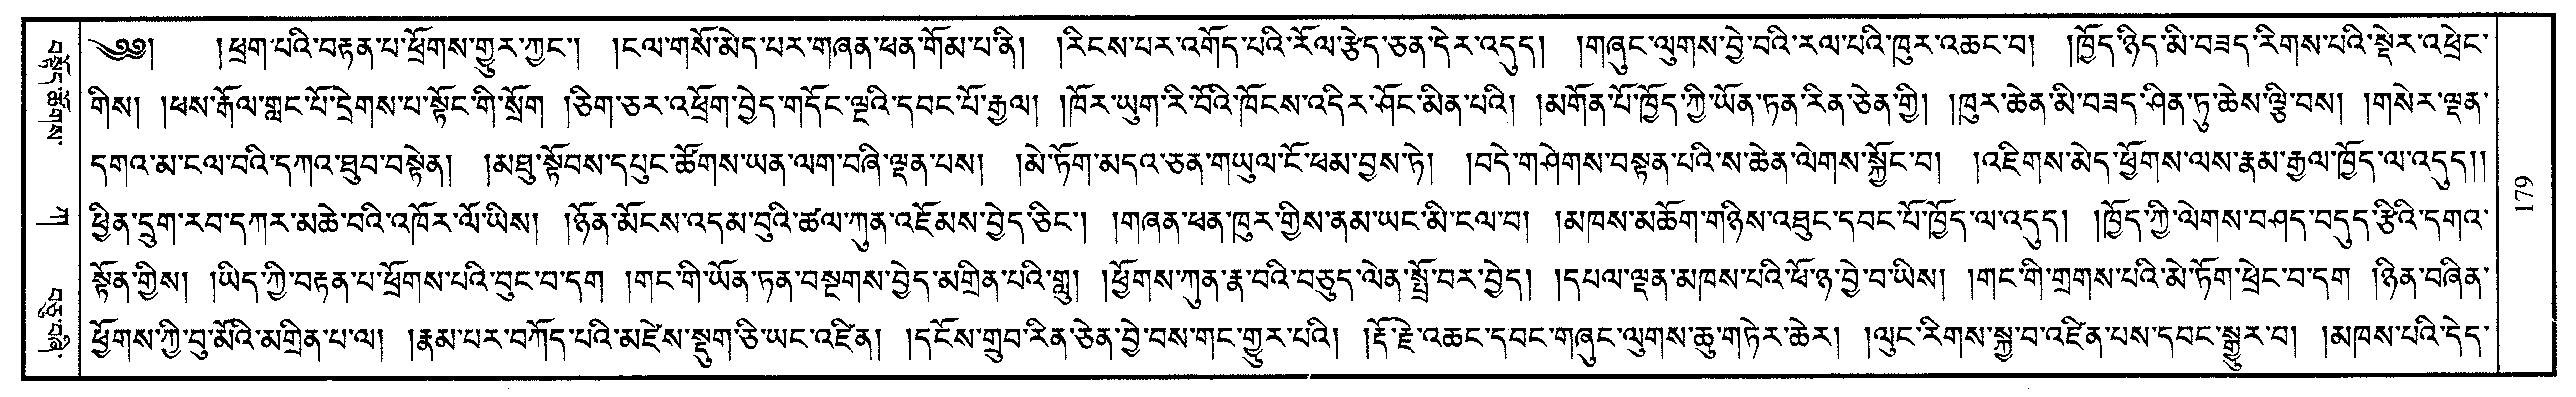༄༅། །ཕྲག་པའི་བརྟན་པ་ཕྲོགས་གྱུར་ཀྱང་། །ངལ་གསོ་མེད་པར་གཞན་ཕན་གོམ་པ་ནི། །རིངས་པར་འགོད་པའི་རོལ་རྩེད་ཅན་དེར་འདུད། །གཞུང་ལུགས་བྱེ་བའི་རལ་པའི་ཁུར་འཆང་བ། །ཁྱོད་ཉིད་མི་བཟད་རིགས་པའི་སྡེར་འཕྲེང་
གིས། །ཕས་རྒོལ་གླང་པོ་དྲེགས་པ་སྟོང་གི་སྲོག །ཅིག་ཅར་འཕྲོག་བྱེད་གདོང་ལྔའི་དབང་པོ་རྒྱལ། །ཁོར་ཡུག་རི་བོའི་ཁོངས་འདིར་ཤོང་མིན་པའི། །མགོན་པོ་ཁྱོད་ཀྱི་ཡོན་ཏན་རིན་ཅེན་གྱི། །ཁུར་ཆེན་མི་བཟད་ཤིན་ཏུ་ཆེས་ལྕི་བས། །གསེར་ལྡན་
དགའ་མ་ངལ་བའི་དཀའ་ཐུབ་བསྟེན། །མཐུ་སྟོབས་དཔུང་ཚོགས་ཡན་ལག་བཞི་ལྡན་པས། །མེ་ཏོག་མདའ་ཅན་གཡུལ་ངོ་ཕམ་བྱས་ཏེ། །བདེ་གཤེགས་བསྟན་པའི་ས་ཆེན་ལེགས་སྐྱོང་བ། །འཇིགས་མེད་ཕྱོགས་ལས་རྣམ་རྒྱལ་ཁྱོད་ལ་འདུད།།
ཕྱིན་དྲུག་རབ་དཀར་མཆེ་བའི་འཁོར་ལོ་ཡིས། །ཉོན་མོངས་འདམ་བུའི་ཚལ་ཀུན་འཇོམས་བྱེད་ཅིང་། །གཞན་ཕན་ཁུར་གྱིས་ནམ་ཡང་མི་ངལ་བ། །མཁས་མཆོག་གཉིས་འཐུང་དབང་པོ་ཁྱོད་ལ་འདུད། །ཁྱོད་ཀྱི་ལེགས་བཤད་བདུད་རྩིའི་དགའ་
སྟོན་གྱིས། །ཡིད་ཀྱི་བརྟན་པ་ཕྲོགས་པའི་བུང་བ་དག །གང་གི་ཡོན་ཏན་བསྔགས་བྱེད་མགྲིན་པའི་གླུ། །ཕྱོགས་ཀུན་རྣ་བའི་བཅུད་ལེན་སྤྲོ་བར་བྱེད། །དཔལ་ལྡན་མཁས་པའི་ཕོ་ཉ་བྱེ་བ་ཡིས། །གང་གི་གྲགས་པའི་མེ་ཏོག་ཕྲེང་བ་དག །ཉིན་བཞིན་
ཕྱོགས་ཀྱི་བུ་མོའི་མགྲིན་པ་ལ། །རྣམ་པར་བཀོད་པའི་མཛེས་སྡུག་ཅི་ཡང་འཛིན། །དངོས་གྲུབ་རིན་ཅེན་བྱེ་བས་གང་གྱུར་པའི། །རྡོ་རྗེ་འཆང་དབང་གཞུང་ལུགས་ཆུ་གཏེར་ཆེར། །ལུང་རིགས་སྐྱ་བ་འཛིན་པས་དབང་སྒྱུར་བ། །མཁས་པའི་དེད་